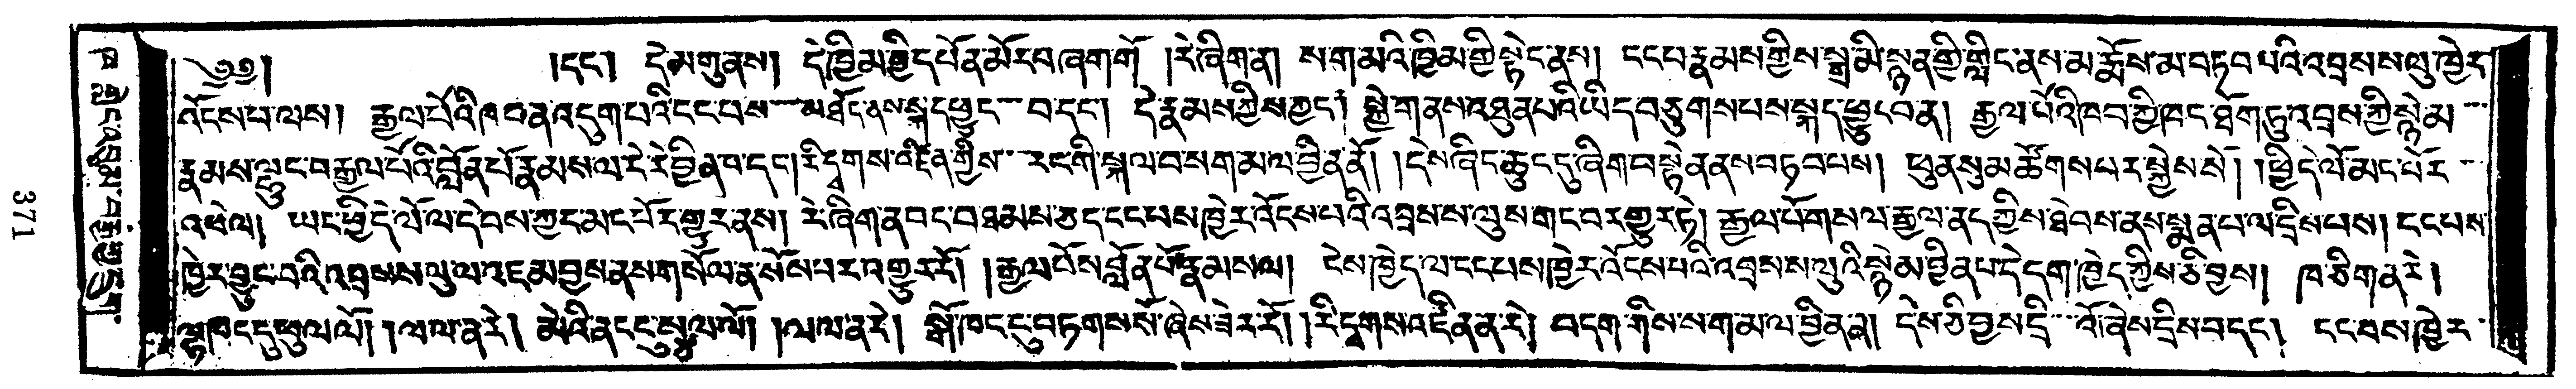༄༅། །དང་། དེ་མགུ་ནས། དེ་ཁྱིམ་གྱི་དཔོན་མོར་བཞག་གོ །རེ་ཞིག་ན། ས་ག་མའི་ཁྱིམ་གྱི་སྟེང་ནས། ངང་པ་རྣམས་གྱིས་སྒྲ་མི་སྙན་གྱི་གླིང་ནས་མ་རྨོས་མ་བཏབ་པའི་འབྲས་ལུ་ཁྱེད་
འོངས་པ་ལས། རྒྱལ་པོའི་ཁབ་ན་འདུག་པའི་ངང་པས་མཐོད་ནས་སྐད་ཕྱུང་བ་དང་། དེ་རྣམས་ཀྱིས་ཀྱང་། སྐྱེ་གནས་འཐུན་པའི་ཡིད་བཅུགས་པས་སྐད་ཕྱུང་བ་ན། རྒྱལ་པོའི་ཁབ་ཀྱི་ཁང་ཐོག་ཏུ་འབྲས་ཀྱི་སྙེམ་
རྣམས་ལྷུང་བརྒྱལ་པོའི་བློན་པོ་རྣམས་ལ་རེ་རེ་བྱིན་བ་དང་། རི་དྭགས་འཛིན་གྱིས་རང་གི་སྐལ་བ་སག་མ་ལ་བྱིན་ནོ། །དེས་ཞིང་ཆུང་དུ་ཞིག་བསྟེན་ནས་བཏབ་པས། ཕུན་སུམ་ཚོགས་པར་སྐྱེས་སོ། །ཕྱི་དེ་ལོ་མང་པོར་
འཕེལ། ཡང་ཕྱི་དེ་ལོ་ལ་དེ་བས་ཀྱང་མང་པོར་གྱུར་ནས། རེ་ཞིག་ན་བང་བ་ཐམས་ཅད་ངང་པས་ཁྱེར་འོངས་པའི་འབྲས་ས་ལུས་གང་བར་གྱུར་ཏེ། རྒྱལ་པོ་གསལ་རྒྱལ་ནད་ཀྱིས་ཐེབས་ནས་སྨན་པ་ལ་དྲིས་པས། ངང་པས་
ཁྱེར་བྱུང་བའི་འབྲས་ལུ་ལ་འཇམ་བྱས་ནས་གསོལ་ན་སོས་པར་འགྱུར་རོ། །རྒྱལ་པོས་བློན་པོ་རྣམས་ལ། ངེས་ཁྱེད་ལ་ངང་པས་ཁྱེར་འོངས་པའི་འབྲས་ས་ལུའི་སྙེམ་བྱིན་པ་དེ་དག་ཁྱེད་ཀྱིས་ཅི་བྱས། ཁ་ཅིག་ན་རེ།
ལྷ་ཁང་དུ་ཕུལ་ལོ། །ལ་ལ་ན་རེ། མེའི་ནང་དུ་སྩལ་ལོ། །ལ་ལ་ན་རེ། སྒོ་ཁང་དུ་བཏགས་སོ་ཞེས་ཟེར་རོ། །རི་དྭགས་འཛིན་ན་རེ། བདག་གིས་ས་ག་མ་ལ་བྱིན་ན། དེས་ཅི་བྱས་དྲི་འོ་ཞེས་དྲིས་བ་དང་། ངང་བས་ཁྱེར་